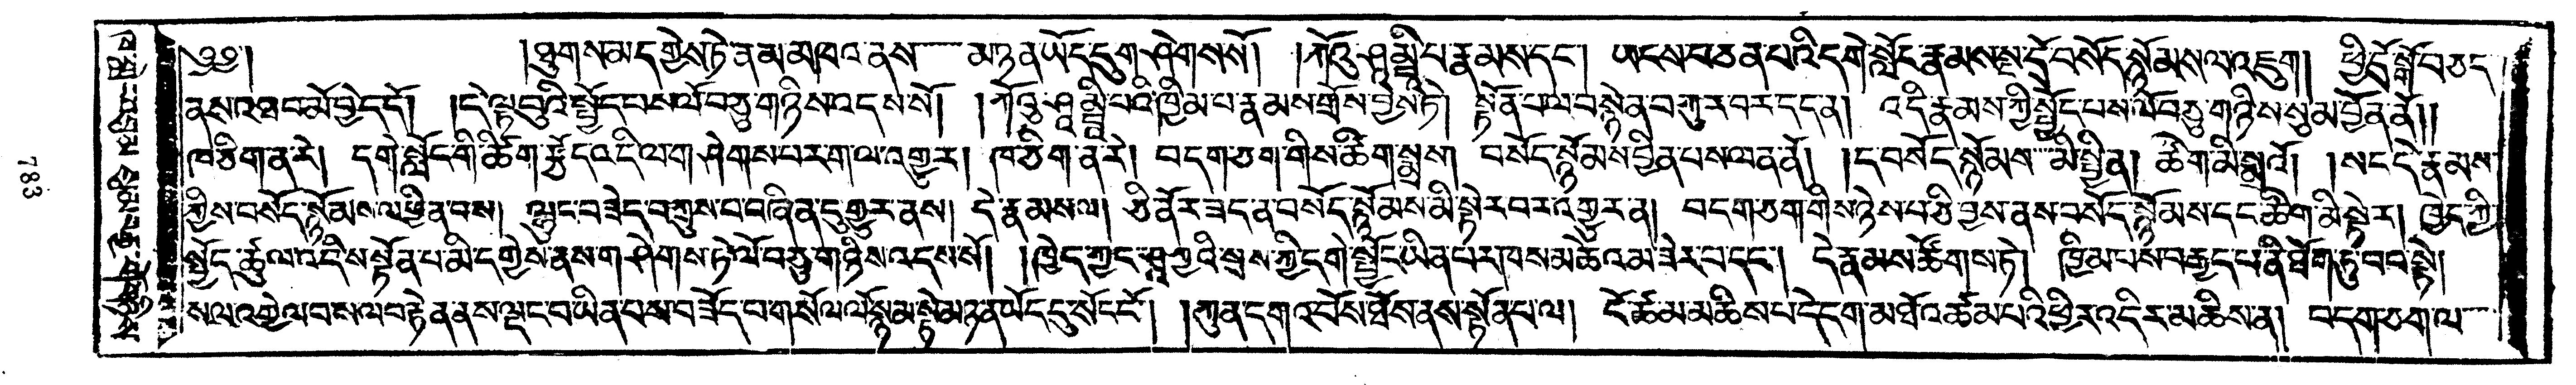༄༅། །ཐུགས་མ་དགྱེས་ཏེ་ནམ་མཁའ་ནས་མཉན་ཡོད་དུ་གཤེགས་སོ། །ཀོའུ་ཤཱམྦཱི་པ་རྣམས་དང་། ཡངས་པ་ཅན་པའི་དགེ་སློང་རྣམས་སྔ་དྲོ་བསོད་སྙོམས་ལ་འཇུག། ཕྱི་དྲོ་སྒོ་བཅད་
ནས་འཐབ་མོ་བྱེད་དོ། །དེ་ལྟ་བུའི་སྤྱོད་པས་ལོ་བཅུ་གཉིས་འདས་སོ། །ཀོའུ་ཤཱམྦཱི་པའི་ཁྱིམ་པ་རྣམས་གྲོས་བྱེས་ཏེ། སྟོན་པ་ལ་བསྙེན་བཀུར་བར་དད་ན། འདི་རྣམས་ཀྱི་སྤྱོད་པས་ལོ་བཅུ་གཉིས་སུ་མ་བྱོན་ནོ།།
ཁ་ཅིག་ན་རེ། དགེ་སློང་གི་ཚིག་རྩོད་འདི་ལ་གཤེགས་པར་ག་ལ་འགྱུར། ཁ་ཅིག་ན་རེ། བདག་ཅག་གིས་ཚིག་སྨྲས། བསོད་སྙོམས་བྱིན་པས་ལན་ནོ། །ད་བསོད་སྙོམས་མི་སྦྱིན། ཚིག་མི་སྨྲའོ། །སང་དེ་རྣམས་
ཀྱིས་བསོད་སྙོམས་ལ་ཕྱིན་པས། ལྷུང་བཟེད་བཀྲུས་པ་བཞིན་དུ་གྱུར་ནས། དེ་རྣམས་ལ། ཅི་ནོར་ཟད་ན་བསོད་སྙོམས་མི་སྟེར་བར་འགྱུར་ན། བདག་ཅག་གིས་ཉེས་པ་ཅི་བྱས་ནས་བསོད་སྙོམས་དང་ཚིག་མི་སྟེར། ཁྱེད་ཀྱི་
སྤྱོད་ཚུལ་འདིས་སྟོན་པ་མི་དགྱེས་ནས་གཤེགས་ཏེ་ལོ་བཅུ་གཉིས་འདས་སོ། །ཁྱེད་ཀྱང་ཤཱཀྱའི་སྲས་ཀྱི་དགེ་སྦྱོང་ཡིན་པར་ཁས་མཆེའམ་ཟེར་བ་དང་། དེ་རྣམས་ཚོགས་ཏེ། ཁྱིམ་པས་བརྒྱད་པ་ནི་ཐོག་ཏུ་བབ་སྟེ།
སལ་འགྱེལ་བས་ལ་བརྟེན་ནས་ལྡང་བ་ཡིན་པས་བཟོད་པ་གསོལ་ལོ་སྙམ་སྟེ་མཉན་ཡོད་དུ་སོང་ངོ། །ཀུན་དགའ་བོས་ཐོས་ནས་སྟོན་པ་ལ། ངོ་ཚ་མ་མཆིས་པ་དེ་དག་མཐོ་འཚམ་པའི་ཕྱིར་འདིར་མཆིས་ན། བདག་ཅག་ལ་